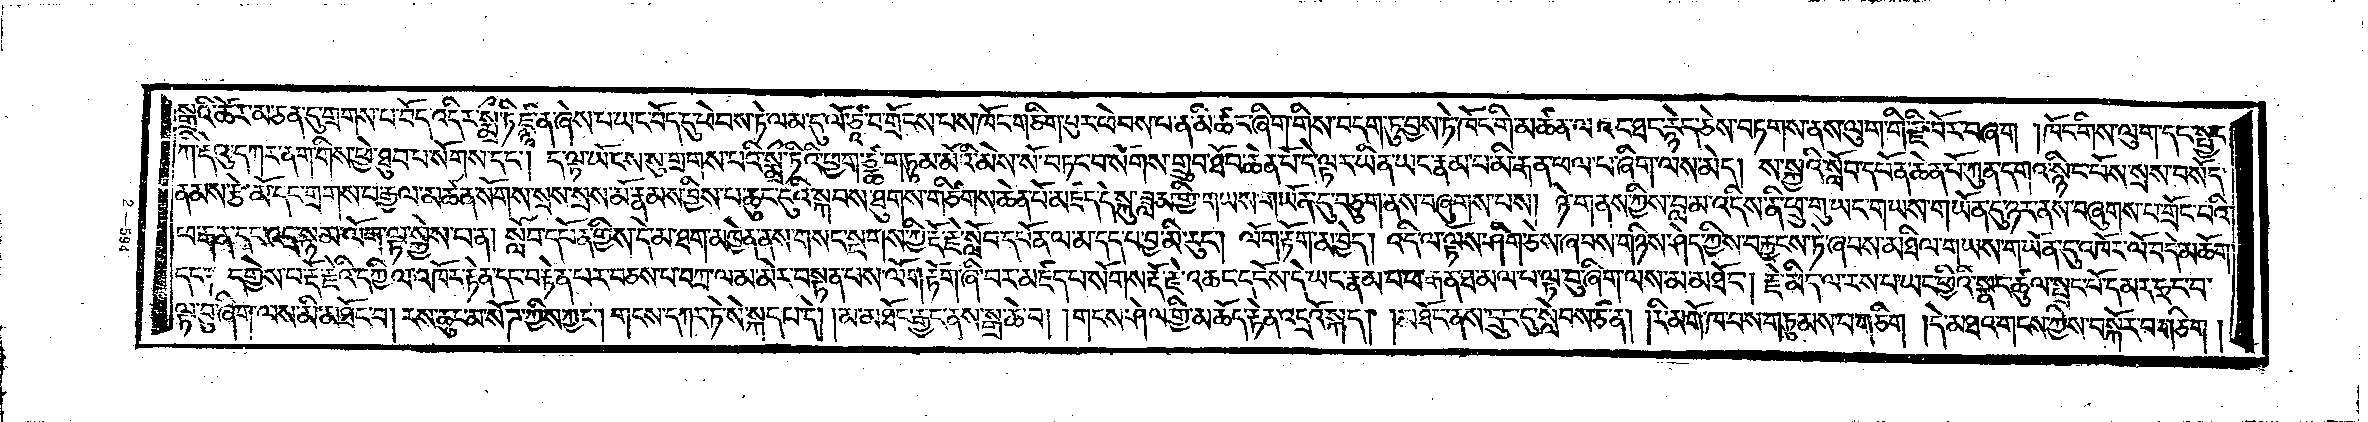སྒྲའི་ཚེར་མ་ཅན་དུ་གྲགས་པ་བོད་འདིར་སྨྲྀ་ཏིཛྙཱ་ན་ཞེས་པ་ཡང་བོད་དུ་ཕེབས་ཏེ་ལམ་དུ་ལོ་ཙཱ་བ་གྲོངས་པས་ཁོང་གཅིག་པུར་ཕེབས་པ་ན་མི་ཚང་ཞིག་གིས་བདག་ཏུ་བྱས་ཏེ་ཁོང་གི་མཚན་ལའང་ཐང་རྙེད་ཅེས་བཏགས་ནས་ལུག་གི་རྫི་བོར་བཞག །ཁོང་གིས་ལུག་དང་སྦྱང་
ཀི་རྡེའུ་དཀར་ནག་གིས་ཕྱེ་ཐུབ་པ་སོགས་དང་། ད་ལྟ་ཡོངས་སུ་གྲགས་པའི་སྨྲྀ་ཏིའི་ཕྱག་ཙྪ་གཏུམ་མོའི་མེས་སོ་བཏང་བ་སོགས་གྲུབ་ཐོབ་ཆེན་པོ་དེ་ལྟར་ཡིན་ཡང་རྣམ་པ་མི་རྒན་ཕལ་པ་ཞིག་ལས་མེད། ས་སྐྱའི་སློབ་དཔོན་ཆེན་པོ་ཀུན་དགའ་སྙིང་པོས་སྲས་བསོད་
ནམས་རྩེ་མོ་དང་གྲགས་པ་རྒྱལ་མཚན་སོགས་སྲས་སྲས་མོ་རྣམས་བྱིས་པ་ཆུང་དུའི་སྐབས་ཐུགས་གཙིགས་ཆེན་པོ་མཛད་དེ་སྐུ་ཟླམ་གྱི་གཡས་གཡོན་དུ་བཅུག་ནས་བཞུགས་པས། ཉེ་གནས་ཀྱིས་བླ་མ་འདིས་ནི་ཕྲུ་གུ་ཡང་གཡས་གཡོན་དུ་ཉར་ནས་བཞུགས་པ་གྲོང་བའི་
ཕ་རྒན་དང་འདྲ་སྙམ་ལོག་ལྟ་སྐྱེས་པ་ན། སློབ་དཔོན་གྱིས་དེ་མ་ཐག་མཁྱེན་ནས་གསང་སྔགས་ཀྱི་རྡོ་རྗེ་སློབ་དཔོན་ལ་མ་དད་པ་བྱ་མི་རུང་། ལོག་རྟོག་མ་བྱེད། འདི་ལ་ལྟོས་ཤིག་ཅེས་ཞབས་གཉིས་ཤེད་ཀྱིས་བརྐྱངས་ཏེ་ཞབས་མཐིལ་གཡས་གཡོན་དུ་འཁོར་ལོ་བདེ་མཆོག་
དང༑ དགྱེས་པ་རྡོ་རྗེའི་དཀྱིལ་འཁོར་རྟེན་དང་བརྟེན་པར་བཅས་པ་བཀྲ་ལམ་མེར་བསྟན་པས་ལོག་རྟོག་ཞི་བར་མཛད་པ་སོགས་རྡོ་རྗེ་འཆང་དངོས་དེ་ཡང་རྣམ་པ་ཕ་རྒན་ཐ་མལ་པ་ལྟ་བུ་ཞིག་ལས་མ་མཐོང་། རྗེ་མིད་ལ་རས་པ་ཡང་ཕྱིའི་སྣང་ཚུལ་སྤྲང་པོ་དམར་ཧྲང་བ་
ལྟ་བུ་ཞིག་ལས་མི་མཐོང་བ། རས་ཆུང་མ་སོཌ་ཀྱིས་ཀྱང་། གངས་དཀར་ཏེ་སེ་སྐད་པ་དེ། །མ་མཐོང་རྒྱང་ནས་སྒྲ་ཆེ་བ། །གངས་ཤེལ་གྱི་མཆོད་རྟེན་འདྲའོ་སྐད། །མཐོང་ནས་དྲུང་དུ་སླེབས་ཙ་ན། །རི་མགོ་ཁ་བས་གཏུམས་པ་གཅིག །དེ་མཐའ་གངས་ཀྱིས་བསྐོར་བ་གཅིག །